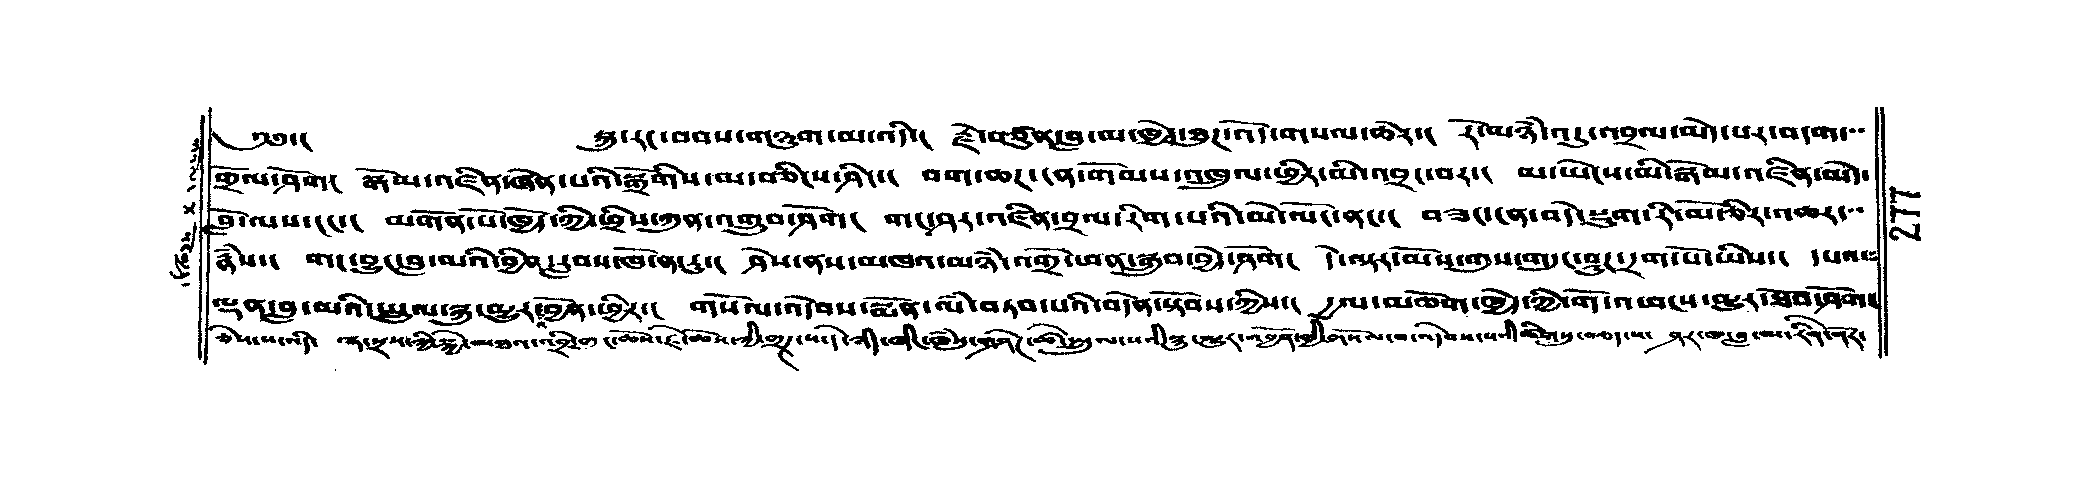སྐུ་རང་བབས་གཉུག་མ་འདི། །རྗེ་བཙུན་བླ་མ་ཁྱེད་ཐུགས་འོད་གསལ་ཆེར། །རོ་མཉམ་འདུ་འབྲལ་མེད་པར་བདག་
གྲོལ་ཤོག །སྒོམ་འཛིན་ཞེན་པའི་སྒྲོག་གིས་མ་བཅིངས་ཤིང་། །བག་ཆགས་ངན་གོམས་འཁྲུལ་ཕྱིར་མི་འབྲང་བར། །མ་ཡེངས་མི་སྒོམ་འཛིན་མེད་
བློ་འདས་ངང་། །མགོན་པོ་ཁྱོད་ཀྱི་ཕྲིན་ལས་ཀུན་འགྲུབ་ཤོག །གང་ཤར་འཛིན་བྲལ་རིག་པའི་མེ་ལོང་ནང་། །བཟང་ངན་བདེ་སྡུག་རི་མོ་ཅིར་འཆར་
རྣམས། །གང་བྱུང་བླ་མའི་བྱིན་རླབས་ཁོ་ན་རུ། །ཤེས་ནས་མཁའ་མཉམ་འགྲོ་ཕན་སྒྲུབ་བྱེད་ཤོག །དེ་ལྟར་མོས་གུས་གདུང་ཤུགས་དྲག་པོ་ཡིས། །དཔའ་
ལྡན་བླ་མའི་སྤྲུལ་སྐུ་མྱུར་འབྱོན་ཕྱིར། །གསོལ་འདེབས་སྨོན་ལམ་བཏབ་པའི་བདེན་སྟོབས་ཀྱིས། །རྒྱལ་མཆོག་ཁྱེད་ཀྱི་གོ་འཕང་མྱུར་ཐོབ་ཤོག 
ཅེས་པ་འདི་ལྷ་སྲས་ཀྱི་སྐྱེ་མཐའ་འབྲི་གུང་ཆོས་རྗེ་ཆོས་ཀྱི་གྲགས་པ་དེ་ཉིད་ཞིང་ཁམས་སུ་གཤེགས་ཚེ་སྤྲུལ་པའི་སྐུ་མྱུར་འབྱོན་གྱི་གསོལ་བ་འདེབས་པའི་ཚིགས་སུ་བཅད་པ། ཤར་ཁ་བླ་མ་རིན་ཆེན་ནོར་